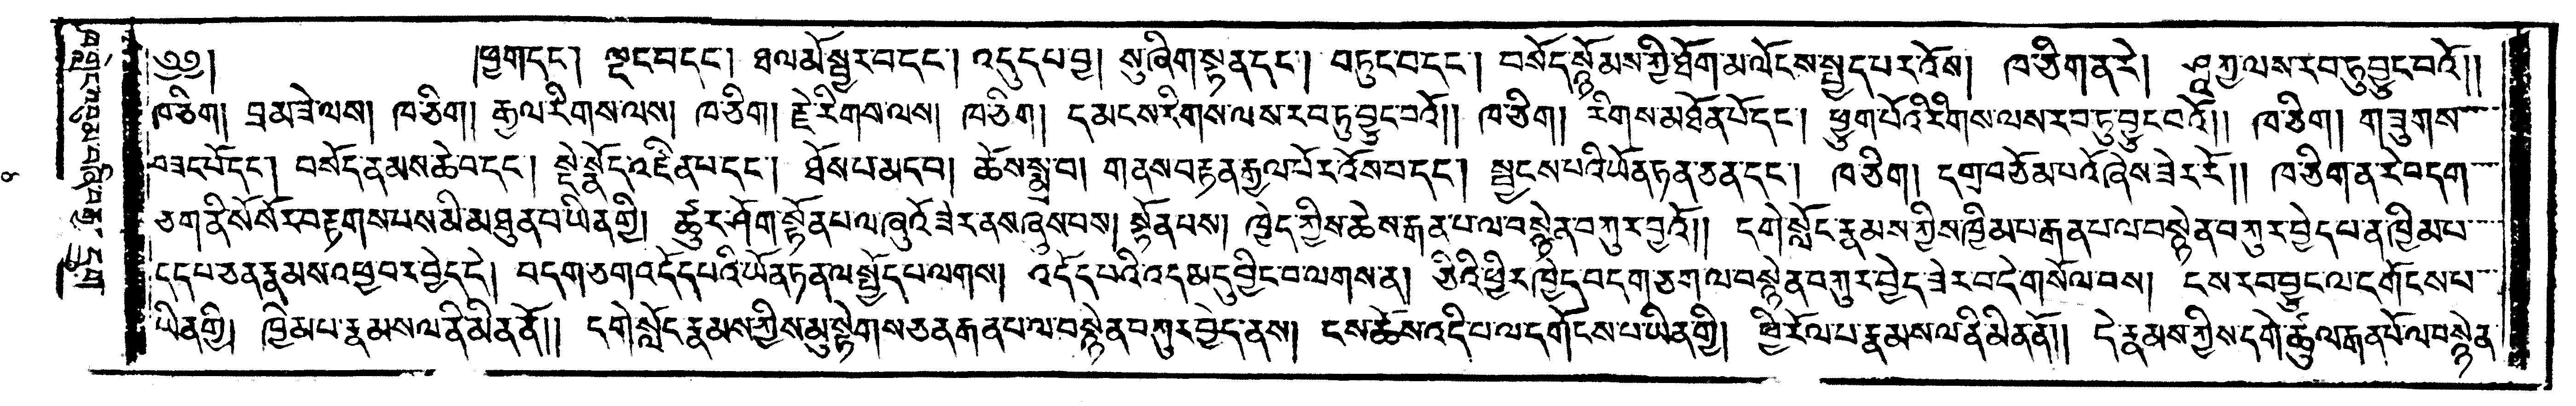༄༅། །ཕྱག་དང་། ལྡང་བ་དང་། ཐལ་མོ་སྦྱར་བ་དང་། འདུད་པ་བྱ། སུ་ཞིག་སྟན་དང་། བཏུང་བ་དང་། བསོད་སྙོམས་ཀྱི་ཐོག་མ་ལོངས་སྤྱད་པར་འོས། ཁ་ཅིག་ན་རེ། ཤཱཀྱ་ལས་རབ་ཏུ་བྱུང་བའོ།།
ཁ་ཅིག། བྲམ་ཟེ་ལས། ཁ་ཅིག། རྒྱལ་རིགས་ལས། ཁ་ཅིག། རྗེ་རིགས་ལས། ཁ་ཅིག། དམངས་རིགས་ལས་རབ་ཏུ་བྱུང་བའོ།། ཁ་ཅིག། རིགས་མཐོན་པོ་དང་། ཕྱུག་པོའི་རིགས་ལས་རབ་ཏུ་བྱུང་བའོ།། ཁ་ཅིག། གཟུགས་
བཟང་པོ་དང་། བསོད་ནམས་ཆེ་བ་དང་། སྡེ་སྣོད་འཛིན་པ་དང་། ཐོས་པ་མང་བ། ཆོས་སྨྲ་བ། གནས་བརྟན་རྒྱལ་པོར་འོས་པ་དང་། སྦྱངས་པའི་ཡོན་ཏན་ཅན་དང་། ཁ་ཅིག། དགྲ་བཅོམ་པའོ་ཞེས་ཟེར་རོ།། ཁ་ཅིག་ན་རེ་བདག་
ཅག་ནི་སོ་སོར་བརྟགས་པས་མི་མཐུན་པ་ཡིན་གྱི། ཚུར་ཤོག་སྟོན་པ་ལ་ཞུའོ་ཟེར་ནས་ཞུས་པས། སྟོན་པས། ཁྱེད་ཀྱིས་ཆེས་རྒན་པ་ལ་བསྙེན་བཀུར་བྱའོ།། དགེ་སློང་རྣམས་ཀྱིས་ཁྱིམ་པ་རྒན་པ་ལ་བསྙེན་བཀུར་བྱེད་པ་ན་ཁྱིམ་པ་
དད་པ་ཅན་རྣམས་འཕྱ་བར་བྱེད་དེ། བདག་ཅག་འདོད་པའི་ཡོན་ཏན་ལ་སྤྱོད་པ་ལགས། འདོད་པའི་འདམ་དུ་བྱིང་བ་ལགས་ན། ཅིའི་ཕྱིར་ཁྱེད་བདག་ཅག་ལ་བསྙེན་བཀུར་བྱེད་ཟེར་བ་དེ་གསོལ་བས། ངས་རབ་བྱུང་ལ་དགོངས་པ་
ཡིན་གྱི། ཁྱིམ་པ་རྣམས་ལ་ནི་མིན་ནོ།། དགེ་སློང་རྣམས་ཀྱིས་མུ་སྟེགས་ཅན་རྒན་པ་ལ་བསྙེན་བཀུར་བྱེད་ནས། ངས་ཆོས་འདི་པ་ལ་དགོངས་པ་ཡིན་གྱི། ཕྱི་རོལ་པ་རྣམས་ལ་ནི་མིན་ནོ།། དེ་རྣམས་ཀྱིས་དགེ་ཚུལ་རྒན་པོ་ལ་བསྙེན་